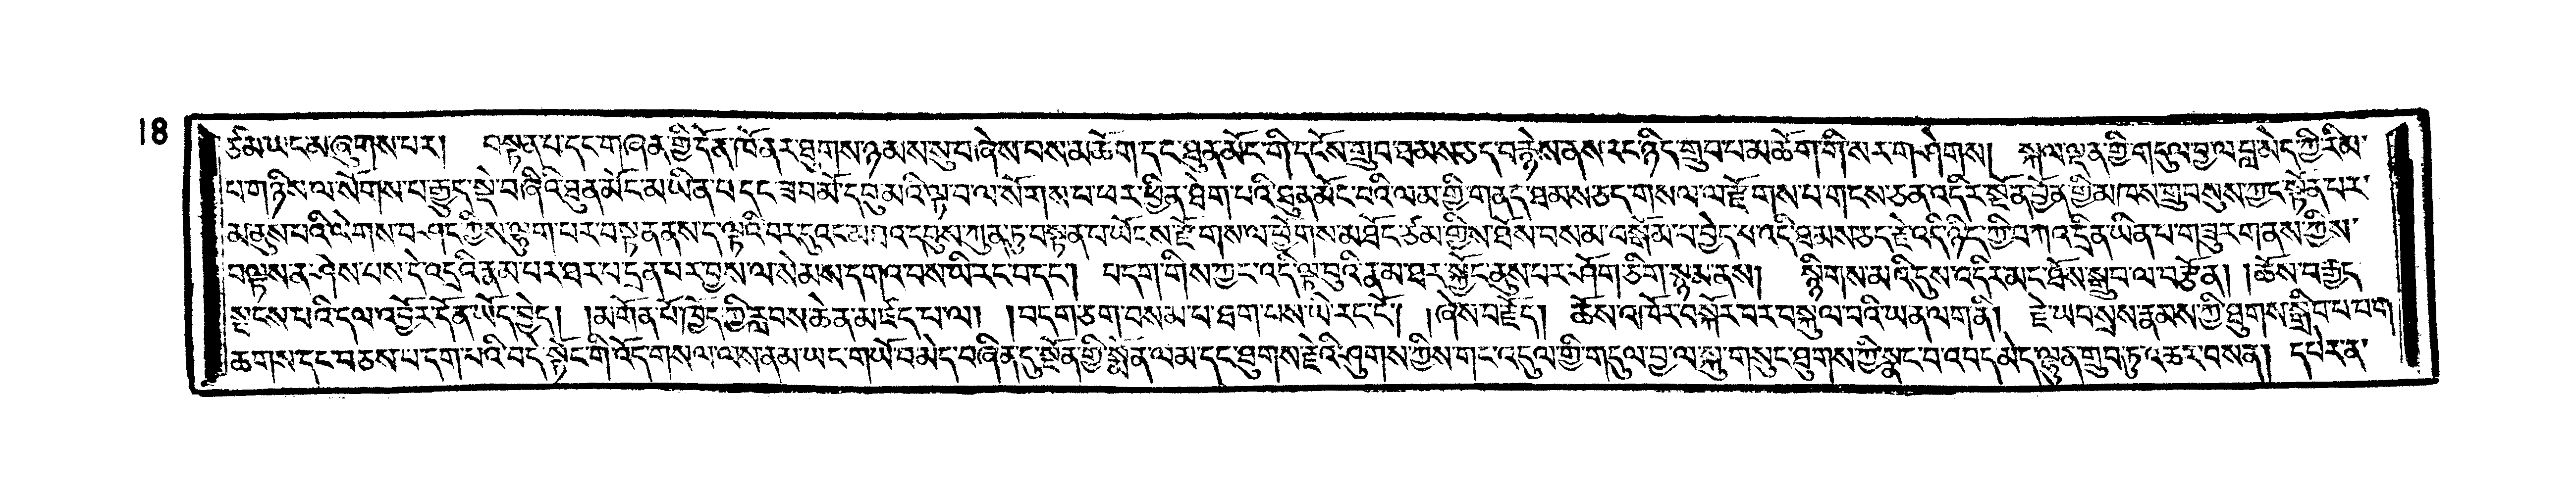ཙམ་ཡང་མ་ཞུགས་པར། བསྟན་པ་དང་གཞན་གྱི་དོན་ཁོ་ནར་ཐུགས་ཉམས་སུ་བཞེས་པས་མཆོག་དང་ཐུན་མོང་གི་དངོས་གྲུབ་ཐམས་ཅད་བརྙེས་ནས་རང་ཉིད་གྲུབ་པ་མཆོག་གི་སར་གཤེགས། སྐལ་ལྡན་གྱི་གདུལ་བྱ་ལ་བླ་མེད་ཀྱི་རིམ་
པ་གཉིས་ལ་སོགས་པ་རྒྱུད་སྡེ་བཞིའི་ཐུན་མོང་མ་ཡིན་པ་དང་ཟབ་མོ་དབུ་མའི་ལྟ་བ་ལ་སོགས་པ་ཕར་ཕྱིན་ཐེག་པའི་ཐུན་མོང་བའི་ལམ་གྱི་གནད་ཐམས་ཅད་གསལ་ལ་རྫོགས་པ་གངས་ཅན་འདིར་སྔོན་བྱོན་གྱི་མཁས་གྲུབ་སུས་ཀྱང་སྟོན་པར་
མ་ནུས་པའི་ལེགས་བཤད་ཀྱིས་ལྷུག་པར་བསྟན་ནས་ད་ལྟའི་བར་དུའང་མཐའ་དབུས་ཀུན་ཏུ་བསྟན་པ་ཡོངས་རྫོགས་ལ་ཕྱོགས་མཐོང་ཙམ་གྱིས་ཐོས་བསམ་བསྒོམ་པ་བྱེད་པ་འདི་ཐམས་ཅད་རྗེ་འདི་ཉིད་ཀྱི་བཀའ་དྲིན་ཡིན་པ་གཟུར་གནས་ཀྱིས་
བལྟས་ན་ཤེས་པས་དེ་འདྲའི་རྣམ་པར་ཐར་པ་དྲན་པར་བྱས་ལ་སེམས་དགའ་བས་ཡི་རང་བ་དང་། བདག་གིས་ཀྱང་འདི་ལྟ་བུའི་རྣམ་ཐར་སྐྱོང་ནུས་པར་ཤོག་ཅིག་སྙམ་ནས། སྙིང་མའི་དུས་འདིར་མང་ཐོས་སྒྲུབ་ལ་བརྩོན། །ཆོས་བརྒྱད་
སྤངས་པའི་དལ་འབྱོར་དོན་ཡོད་བྱེད། །མགོན་པོ་ཁྱོད་ཀྱི་རླབས་ཆེན་མཛད་པ་ལ། །བདག་ཅག་བསམ་པ་ཐག་པས་ཡི་རང་ངོ། ། ཞེས་བརྗོད། ཆོས་འཁོར་བསྐོར་བར་བསྐུལ་བའི་ཡན་ལག་ནི། རྗེ་ཡབ་སྲས་རྣམས་ཀྱི་ཐུགས་སྒྲིབ་པ་བག་
ཆགས་དང་བཅས་པ་དག་པའི་བདེ་སྟོང་གི་འོད་གསལ་ལས་ནམ་ཡང་གཡོ་བ་མེད་བཞིན་དུ་སྔོན་གྱི་སྨོན་ལམ་དང་ཐུགས་རྗེའི་ཤུགས་ཀྱིས་གང་འདུལ་གྱི་གདུལ་བྱ་ལ་སྐུ་གསུང་ཐུགས་ཀྱི་སྣང་བ་འབད་མེད་ལྷུན་གྲུབ་ཏུ་འཆར་བས་ན། དཔེར་ན་